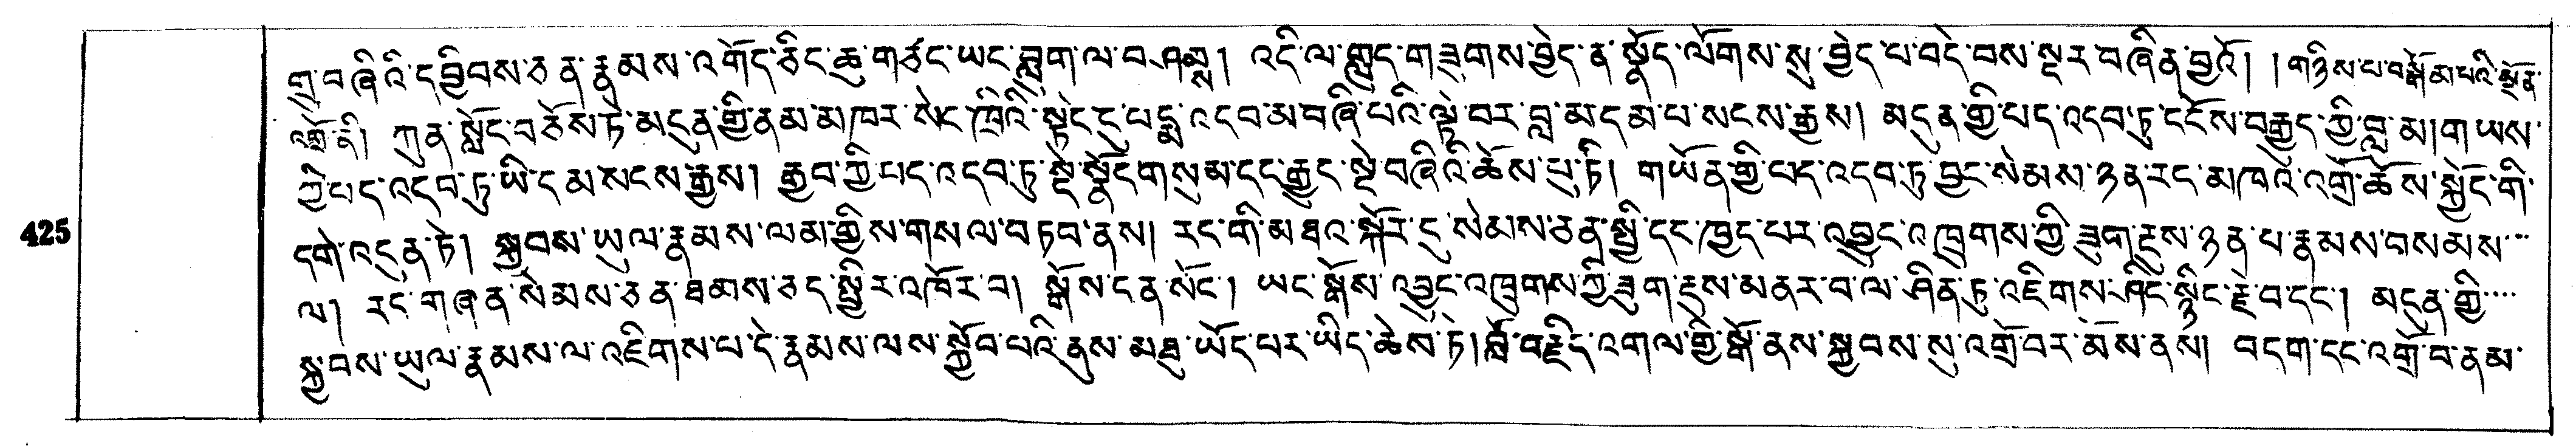གྲུ་བཞིའི་དབྱིབས་ཅན་རྣམས་འགོད་ཅིང་ཆུ་གཙང་ཡང་བླུག་ལ་བཤམས། འདི་ལ་གླུད་གཟུགས་བྱེད་ན་སྣོད་ལོགས་སུ་བྱེད་པ་བདེ་བས་སྔར་བཞིན་བྱའོ། །གཉིས་པ་བསྒོམ་པའི་སྔོན་
འགྲོ་ནི། ཀུན་སློང་བཅོས་ཏེ་མདུན་གྱི་ནམ་མཁར་སེང་ཁྲིའི་སྟེང་དུ་པདམ་འདབ་མ་བཞི་པའི་ལྟེ་བར་བླ་མ་དམ་པ་སངས་རྒྱས། མདུན་གྱི་པད་འདབ་ཏུ་དངོས་བརྒྱུད་ཀྱི་བླ་མ། གཡས་
ཀྱི་པད་འདབ་ཏུ་ཡི་དམ་སངས་རྒྱས། རྒྱབ་ཀྱི་པད་འདབ་ཏུ་སྡེ་སྣོད་གསུམ་དང་རྒྱུད་སྔེ་བཞིའི་ཆོས་པུ་ཏི། གཡོན་གྱི་པད་འདབ་ཏུ་བྱང་སེམས་ཉན་རང་མཁའ་འགྲོ་ཆོས་སྐྱོང་གི་
དགེ་འདུན་ཏེ། སྐྱབས་ཡུལ་རྣམས་ལམ་གྱིས་གསལ་བཏབ་ནས། རང་གི་མཐའ་སྐོར་དུ་སེམས་ཅན་སྤྱི་དང་ཁྱད་པར་འབྱུང་འཁྲུགས་ཀྱི་ཟུག་རྔུས་ཉན་པ་རྣམས་བསམས་
ལ། རང་གཞན་སེམས་ཅན་ཐམས་ཅད་སྤྱིར་འཁོར་བ། སྒོས་ངན་སོང་། ཡང་སྒོས་འབྱུང་འཁྲུགས་ཀྱི་ཟུག་རྔུས་མནར་བ་ལ་ཤིན་ཏུ་འཇིགས་ཤིང་སྙིང་རྗེ་བ་དང་། མདུན་གྱི་
སྐྱབས་ཡུལ་རྣམས་ལ་འཇིགས་པ་དེ་རྣམས་ལས་སྐྱོབ་པའི་ནུས་མཐུ་ཡོད་པར་ཡིད་ཆེས་ཏེ། བློ་བརྗིད་འགལ་གྱི་སྒོ་ནས་སྐྱབས་སུ་འགྲོ་བར་མོས་ནས། བདག་དང་འགྲོ་བ་ནམ་